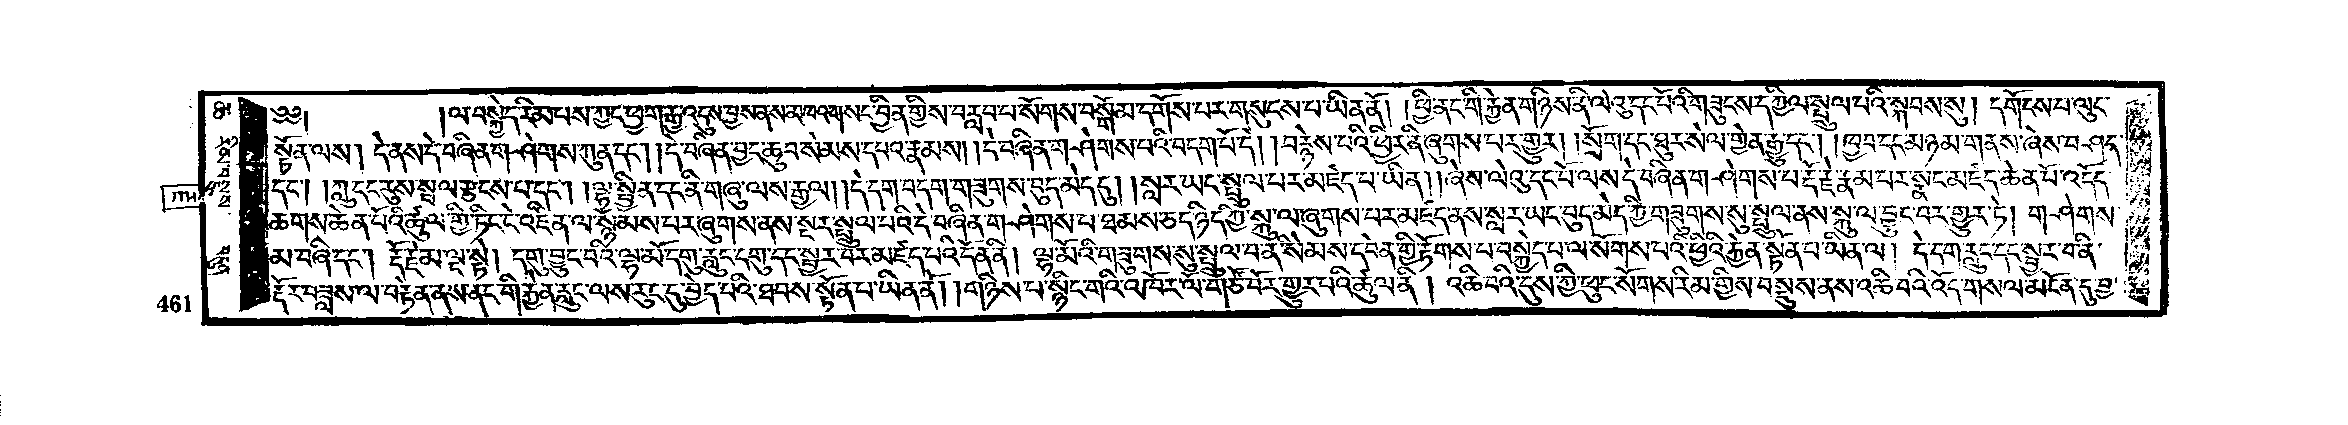༄༅། །ལ་བསྐྱེད་རིམ་པས་ཀྱང་ཕྱག་རྒྱ་འདུས་བྱས་ནས་མཁའ་གསང་བྱིན་གྱིས་བརླབ་པ་སོགས་བསྒོམ་དགོས་པར་གསུངས་པ་ཡིན་ནོ། །ཕྱི་ནང་གི་རྐྱེན་གཉིས་ནི་ལེའུ་དང་པོའི་གཟུངས་དཀྱིལ་སྤྲུལ་པའི་སྐབས་སུ། དགོངས་པ་ལུང་
སྟོན་ལས། དེ་ནས་དེ་བཞིན་གཤེགས་ཀུན་དང་། །དེ་བཞིན་བྱང་ཆུབ་སེམས་དཔའ་རྣམས། །དེ་བཞིན་གཤེགས་པའི་བདག་པོ་དེ། །བརྙེས་པའི་ཕྱིར་ནི་ཞུགས་པར་གྱུར། །སྲོག་དང་ཐུར་སེལ་གྱེན་རྒྱུ་དང་། །ཁྱབ་དང་མཉམ་གནས་ཞེས་བཤད་
དང་། །ཀླུ་དང་རུས་སྦལ་རྩངས་པ་དང་། །ལྷ་སྦྱིན་དང་ནི་གཞུ་ལས་རྒྱལ། །དེ་དག་བདག་གཟུགས་བུད་མེད་དུ། །སླར་ཡང་སྤྲུལ་པར་མཛད་པ་ཡིན། །ཞེས་ལེའུ་དང་པོ་ལས་དེ་བཞིན་གཤེགས་པ་རྡོ་རྗེ་རྣམ་པར་སྣང་མཛད་ཆེན་པོ་འདོད་
ཆགས་ཆེན་པོའི་ཚུལ་གྱི་ཏིང་ངེ་འཛིན་ལ་སྙོམས་པར་ཞུགས་ནས་སྔར་སྤྲུལ་པའི་དེ་བཞིན་གཤེགས་པ་ཐམས་ཅད་ཉིད་ཀྱི་སྐུ་ལ་ཞུགས་པར་མཛད་ནས་སླར་ཡང་བུད་མེད་ཀྱི་གཟུགས་སུ་སྤྲུལ་ནས་སྐུ་ལ་བྱུང་བར་གྱུར་ཏེ། གཤེགས་
མ་བཞི་དང་། རྡོ་རྗེ་མ་ལྔ་སྟེ། དགུ་བྱུང་བའི་ལྷ་མོ་དགུ་རླུང་དགུ་དང་སྦྱར་བར་མཛད་པའི་དོན་ནི། ལྷ་མོའི་གཟུགས་སུ་སྤྲུལ་བ་ནི་སེམས་དབེན་གྱི་རྟོགས་པ་བསྐྱེད་པ་ལ་སོགས་པའི་ཕྱིའི་རྐྱེན་སྟོན་པ་ཡིན་ལ། དེ་དག་རླུང་དང་སྦྱར་བ་ནི་
རྡོར་བཟླས་ལ་བརྟེན་ནས་ནང་གི་རྐྱེན་རླུང་ལས་རུང་དུ་བྱེད་པའི་ཐབས་སྟོན་པ་ཡིན་ནོ། །གཉིས་པ་སྙིང་གའི་འཁོར་ལོ་གཙོ་བོར་གྱུར་པའི་ཚུལ་ནི། འཆི་བའི་དུས་ཀྱི་ཕུང་སོགས་རིམ་གྱིས་བསྡུས་ནས་འཆི་བའི་འོད་གསལ་མངོན་དུ་བྱ་